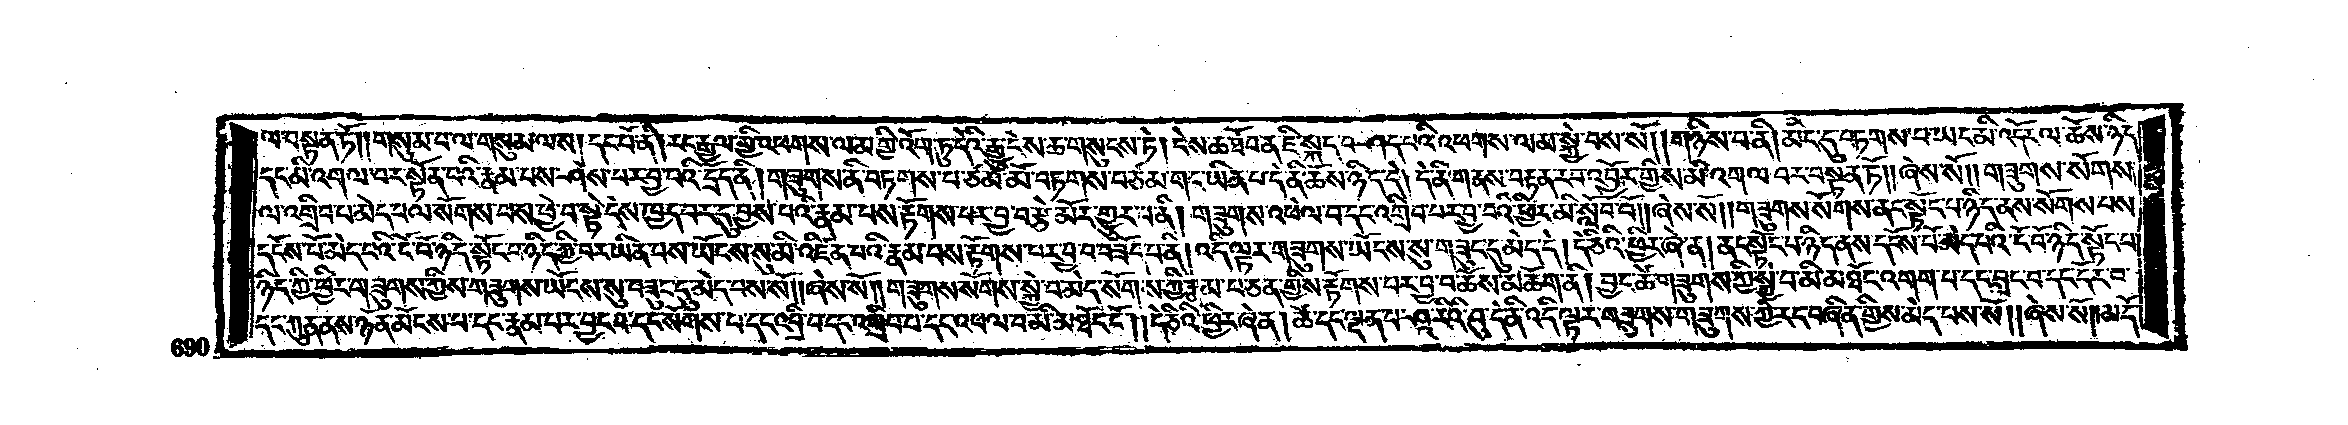ལ་བསྟན་ཏོ། །གསུམ་པ་ལ་གསུམ་ལས། དང་པོ་ནི། རང་རྒྱལ་གྱི་འཕགས་ལམ་གྱི་འོག་ཏུ་དེའི་རྒྱུ་ངེས་ཆ་གསུངས་ཏེ། ངེས་ཆ་ཐོབ་ན་ཇི་སྐད་བཤད་པའི་འཕགས་ལམ་སྐྱེ་བས་སོ། །གཉིས་པ་ནི། མིང་དུ་བཏགས་པ་ཡང་མི་འདོར་ལ་ཆོས་ཉིད་
དང་མི་འགལ་བར་སྟོན་པའི་རྣམ་པས་ཤེས་པར་བྱ་བའི་དྲོད་ནི། གཟུགས་ནི་བཏགས་པ་ཙམ་མོ་བཏགས་པ་ཙམ་གང་ཡིན་པ་དེ་ནི་ཆོས་ཉིད་དེ། དེ་ནི་གནས་བརྟན་རབ་འབྱོར་གྱིས་མི་འགལ་བར་བསྟན་ཏོ། །ཞེས་སོ། །གཟུགས་སོགས་
ལ་འགྲིབ་པ་མེད་པ་ལ་སོགས་པས་ཕྱེ་བ་སྟེ་ངེས་ཁྱད་པར་དུ་བྱས་པའི་རྣམ་པས་རྟོགས་པར་བྱ་བ་རྩེ་མོར་གྱུར་པ་ནི། གཟུགས་འཕེལ་བ་དང་འགྲིབ་པར་བྱ་བའི་ཕྱིར་མི་སློབ་བོ། །ཞེས་སོ། །གཟུགས་སོགས་ནང་སྟོང་པ་ཉིད་ནས་སོགས་པས་
དངོས་པོ་མེད་པའི་ངོ་བོ་ཉིད་སྟོང་པ་ཉིད་ཀྱི་བར་ཡིན་པས་ཡོངས་སུ་མི་འཛིན་པའི་རྣམ་པས་རྟོགས་པར་བྱ་བ་བཟོད་པ་ནི། འདི་ལྟར་གཟུགས་ཡོངས་སུ་གཟུང་དུ་མེད་དེ། དེ་ཅིའི་ཕྱིར་ཞེ་ན། ནང་སྟོང་པ་ཉིད་ནས་དངོས་པོ་མེད་པའི་ངོ་བོ་ཉིད་སྟོང་པ་
ཉིད་ཀྱི་ཕྱིར་གཟུགས་ཀྱིས་གཟུགས་ཡོངས་སུ་བཟུང་དུ་མེད་པས་སོ། །ཞེས་སོ། །གཟུགས་སོགས་སྐྱེ་བ་མེད་སོགས་ཀྱི་རྣམ་པ་ཅན་གྱིས་རྟོགས་པར་བྱ་བ་ཆོས་མཆོག་ནི། བྱང་ཚེ་གཟུགས་ཀྱི་སྐྱེ་བ་མི་མཐོང་འགག་པ་དང་བླང་བ་དང་དོར་བ་
དང་ཀུན་ནས་ཉོན་མོངས་པ་དང་རྣམ་པར་བྱང་བ་དང་སོགས་པ་དང་འབྲི་བ་དང་འགྲིབ་པ་དང་འཕལ་བ་མི་མཐོང་ངོ། །དེ་ཅིའི་ཕྱིར་ཞེ་ན། ཚེ་དང་ལྡན་པ་ཤཱ་རིའི་བུ་དེ་ནི་འདི་ལྟར་གཟུགས་གཟུགས་ཀྱི་རང་བཞིན་གྱིས་མེད་པས་སོ། །ཞེས་སོ། །མདོ་